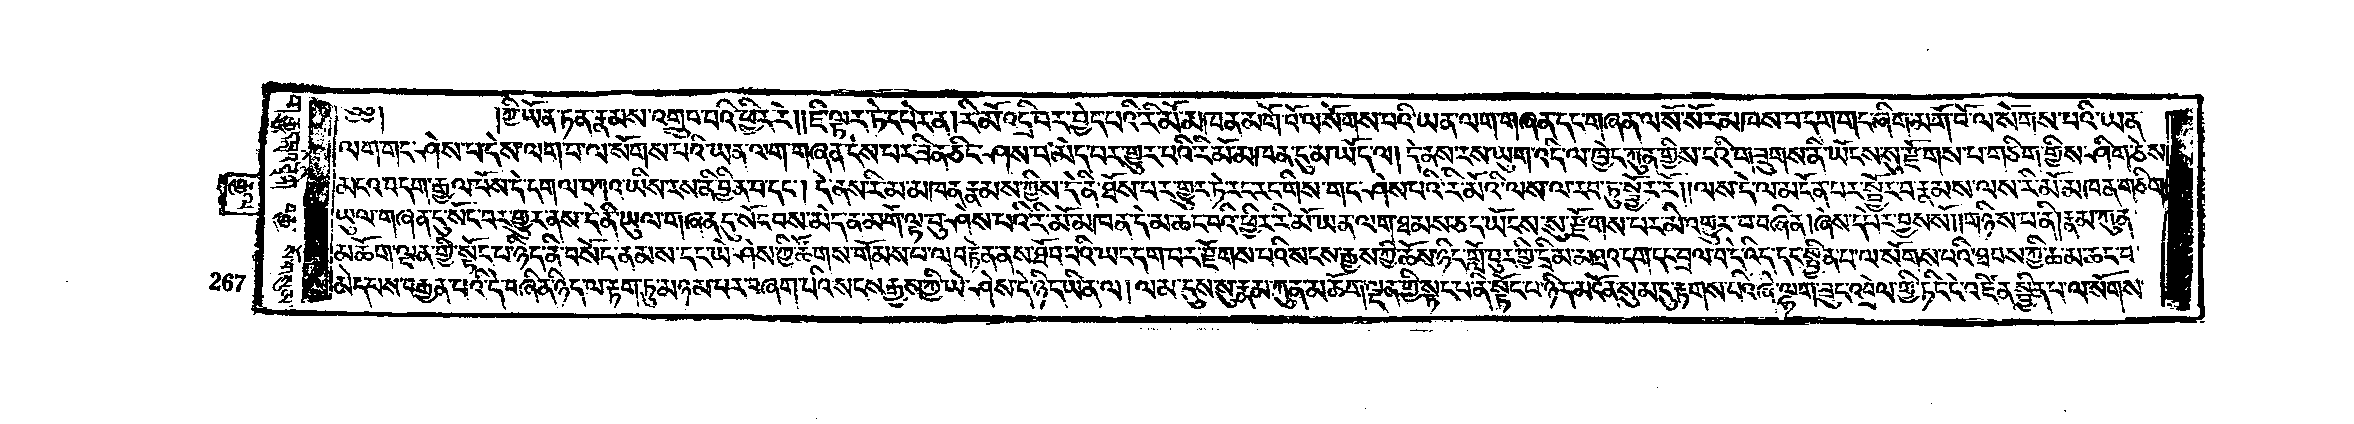༄༅། །ཀྱི་ཡོན་ཏན་རྣམས་འགྲུབ་པའི་ཕྱིར་རོ། །ཇི་ལྟར་ཏེ་དཔེར་ན། རི་མོ་འདྲི་བར་བྱེད་པའི་རི་མོ་མཁན་མགོ་བོ་ལ་སོགས་པའི་ཡན་ལག་གཞན་དང་གཞན་ལ་སོ་སོར་མཁས་པ་དག་གང་ཞིག་མགོ་བོ་ལ་སོགས་པའི་ཡན་
ལག་གང་ཤེས་པ་དེས་ལག་པ་ལ་སོགས་པའི་ཡན་ལག་གཞན་ངེས་པར་ཟིན་ཅིང་ཤེས་པ་མེད་པར་གྱུར་པའི་རི་མོ་མཁན་དུ་མ་ཡོད་ལ། དེ་ནས་རས་ཡུག་འདི་ལ་ཁྱེད་ཀུན་གྱིས་ངའི་གཟུགས་ནི་ཡོངས་སུ་རྫོགས་པ་གཅིག་གྱིས་ཤིག་ཅེས་
མངའ་བདག་རྒྱལ་པོས་དེ་དག་ལ་བཀའ་ཡིས་རས་ནི་བྱིན་པ་དང་། དེ་ནས་རི་མ་མཁན་རྣམས་ཀྱིས་དེ་ནི་ཐོས་པར་གྱུར་ཏེ་རང་རང་གིས་གང་ཤེས་པའི་རི་མོའི་ལས་ལ་རབ་ཏུ་སྦྱོར་རོ། །ལས་དེ་ལ་མངོན་པར་སྦྱོར་བ་རྣམས་ལས་རི་མོ་མཁན་གཅིག་
ཡུལ་གཞན་དུ་སོང་བར་གྱུར་ནས་དེ་ནི་ཡུལ་གཞན་དུ་སོང་བས་མེད་ན་མགོ་ལྟ་བུ་ཤེས་པའི་རི་མོ་མཁན་དེ་མ་ཚང་བའི་ཕྱིར་རི་མོ་ཡན་ལག་ཐམས་ཅད་ཡོངས་སུ་རྫོགས་པར་མི་འགྱུར་བ་བཞིན། ཞེས་དཔེར་བྱས་སོ། །གཉིས་པ་ནི། རྣམ་ཀུན་
མཆོག་ལྡན་གྱི་སྟོང་པ་ཉིད་ནི་བསོད་ནམས་དང་ཡེ་ཤེས་ཀྱི་ཚོགས་གོམས་པ་ལ་བརྟེན་ནས་ཐོབ་པའི་ཡང་དག་པར་རྫོགས་པའི་སངས་རྒྱས་ཀྱི་ཆོས་ཉིད་གློ་བུར་གྱི་དྲི་མ་མཐའ་དག་དང་བྲལ་བ་དེ་འདི་དང་སྦྱིན་པ་ལ་སོགས་པའི་ཐབས་ཀྱི་ཆ་མ་ཚང་བ་
མེད་པས་བརྒྱན་པའི་དེ་བཞིན་ཉིད་ལ་རྟག་ཏུ་མཉམ་པར་བཞག་པའི་སངས་རྒྱས་ཀྱི་ཡེ་ཤེས་དེ་ཉིད་ཡིན་ལ། ལམ་དུས་སུ་རྣམ་ཀུན་མཆོག་ལྡན་གྱི་སྟང་པ་ནི་སྟོང་པ་ཉིད་མངོན་སུམ་དུ་རྟགས་པའི་ཞེ་ལྷག་ཟུང་འབྲེལ་གྱི་ཏིང་ངེ་འཛིན་སྦྱིན་པ་ལ་སོགས་